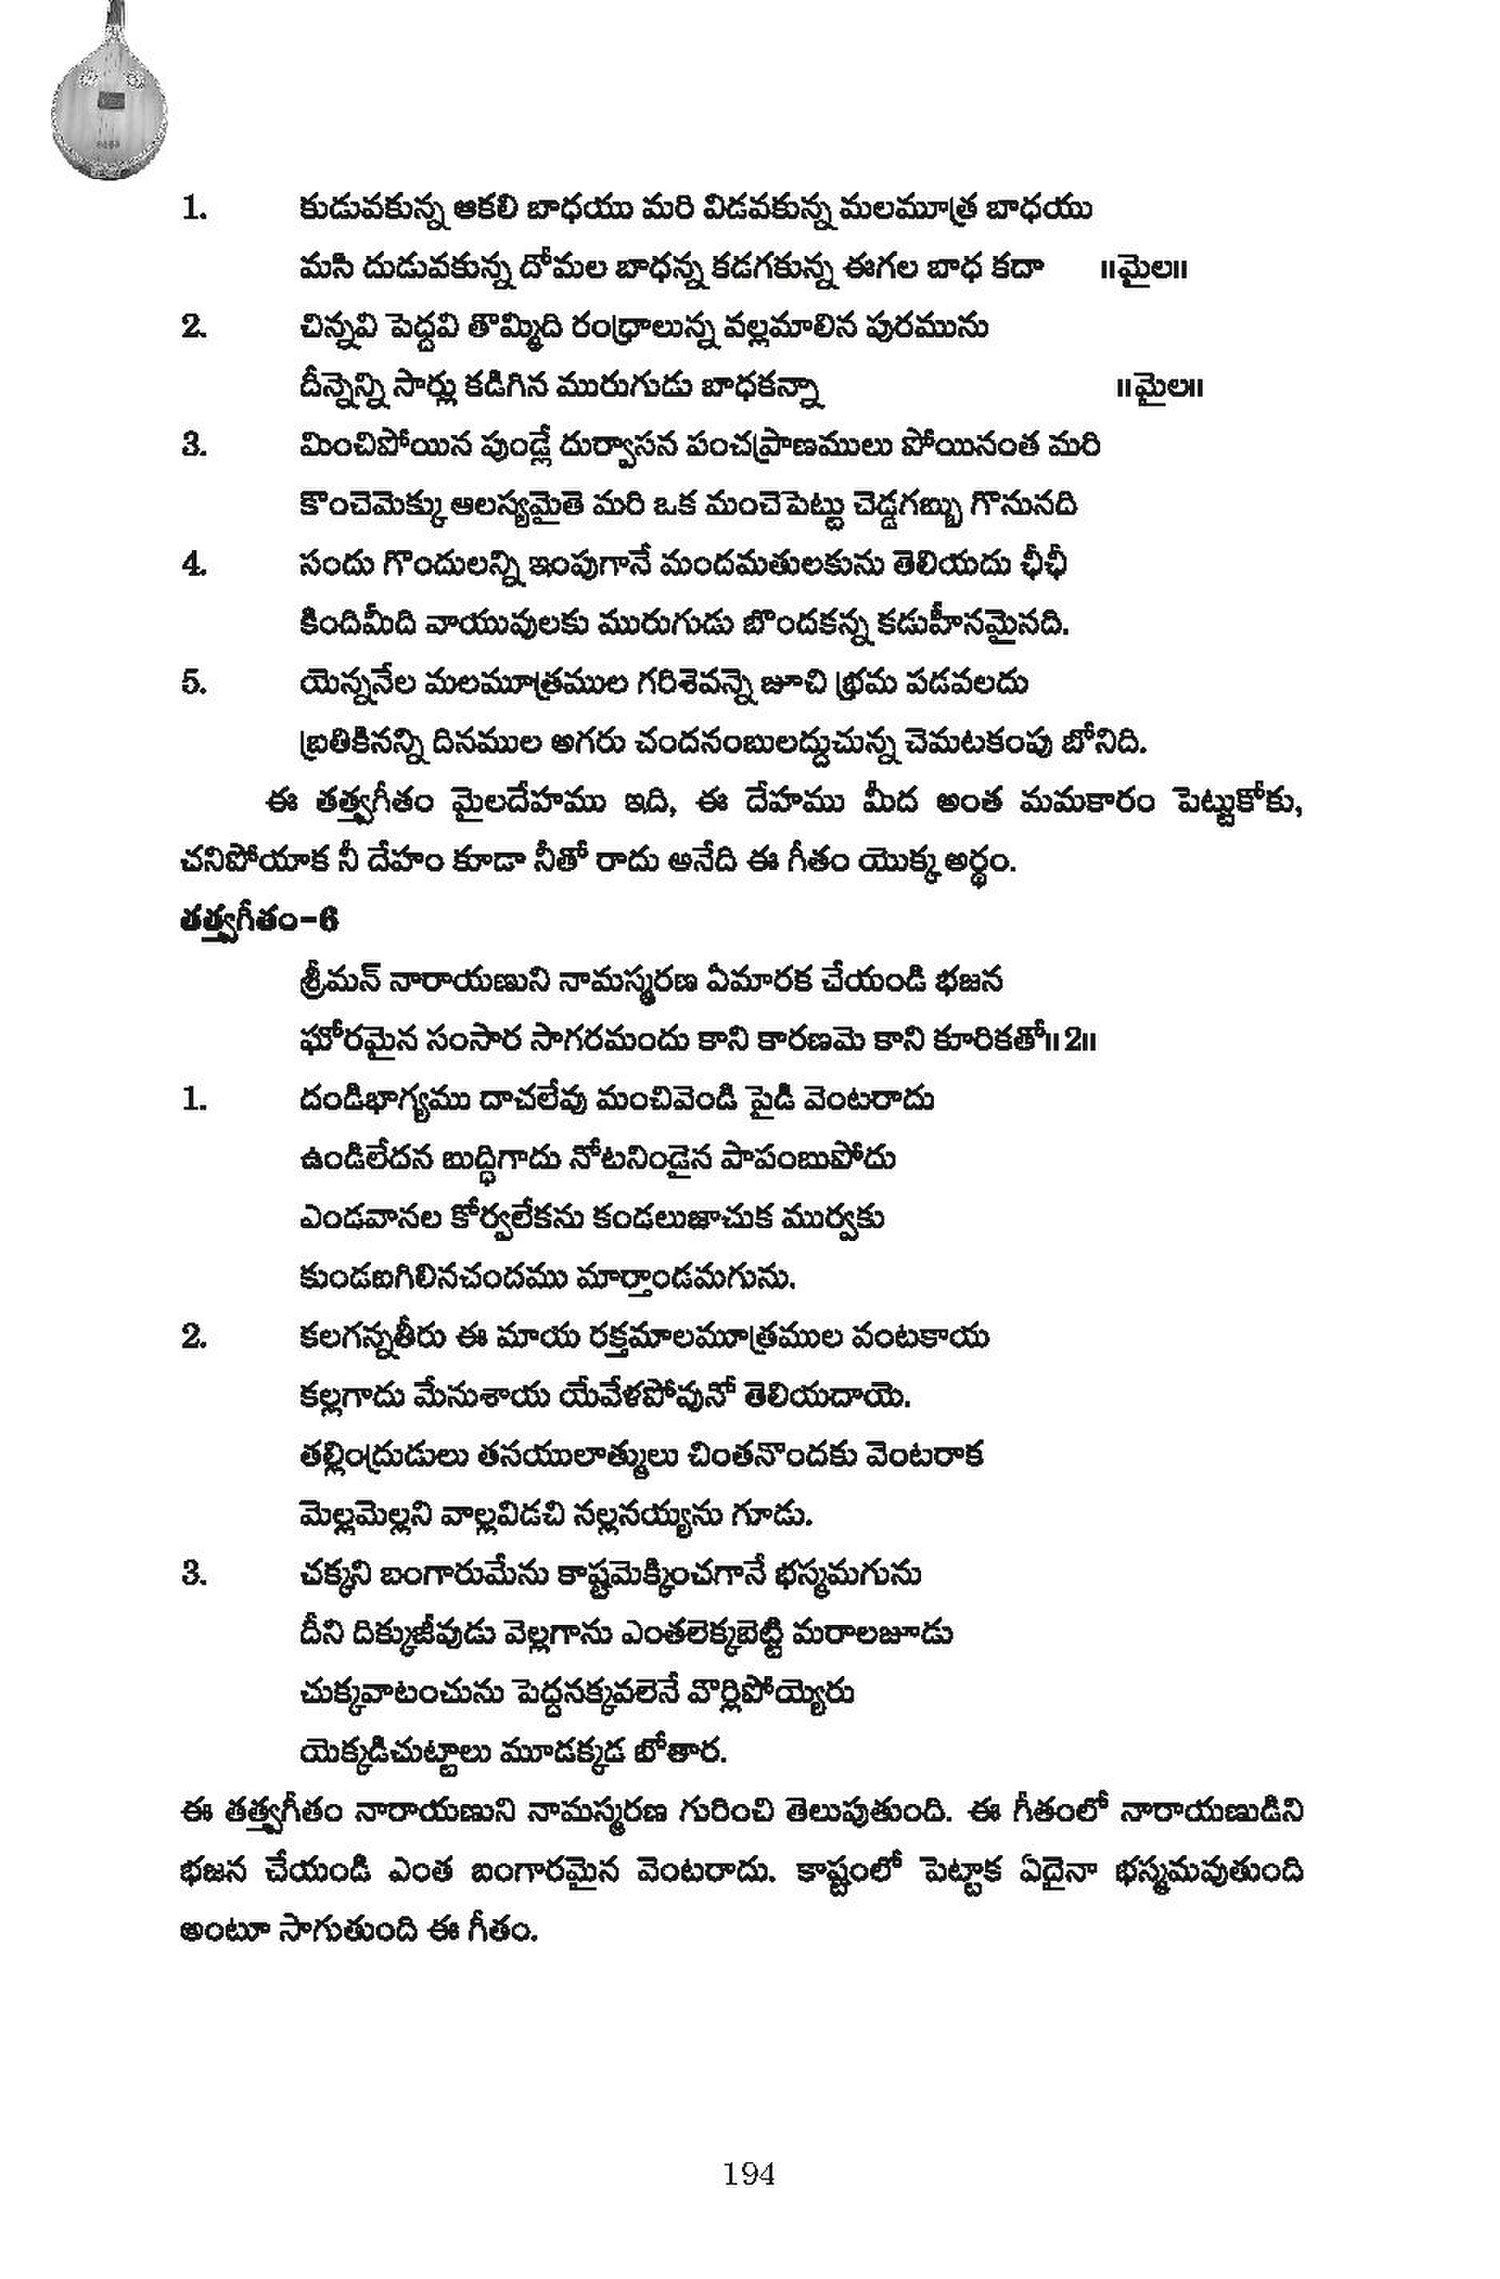1. కుడువకున్న ఆకలి బాధయు మరి విడవకున్న మలమూత్ర బాధయు
మసి దుడువకున్న దోమల బాధన్న కడగకున్న ఈగల బాధ కదా ౹౹మైల౹౹

2. చిన్నవి పెద్దవి తొమ్మిది రంధ్రాలున్న వల్లమాలిన పురమును
దీన్నెన్ని సార్లు కడిగిన మురుగుడు బాధకన్నా ౹౹మైల౹౹

3. మించిపోయిన పుండ్లే దుర్వాసన పంచప్రాణములు పోయినంత మరి
కొంచెమెక్కు ఆలస్యమైతె మరి ఒక మంచె పెట్టు చెడ్డగబ్బు గొనునది

4. సందు గొందులన్ని ఇంపుగానే మందమతులకును తెలియదు ఛీఛీ
కిందిమీది వాయువులకు మురుగుడు బొందకన్న కడుహీనమైనది.

5. యెన్ననేల మలమూత్రముల గరిశెవన్నె జూచి భ్రమ పడవలదు
బ్రతికినన్ని దినముల అగరు చందనంబులద్దుచున్న చెమటకంపు బోనిది.

ఈ తత్వగీతం మైలదేహము ఇది, ఈ దేహము మీద అంత మమకారం పెట్టుకోకు, చనిపోయాక నీ దేహం కూడా నీతో రాదు అనేది ఈ గీతం యొక్క అర్థం.

తత్త్వగీతం-6

శ్రీమన్ నారాయణుని నామస్మరణ ఏమారక చేయండి భజన
ఘోరమైన సంసార సాగరమందు కాని కారణమె కాని కూరికతో॥ 2॥

1. దండిభాగ్యము దాచలేవు మంచివెండి పైడి వెంటరాదు
ఉండిలేదన బుద్ధిగాదు నోటనిండైన పాపంబుపోదు
ఎండవానల కోర్వలేకను కండలుజాచుక ముర్వకు
కుండబగిలినచందము మార్తాండమగును.

2. కలగన్నతీరు ఈ మాయ రక్తమాలమూత్రముల వంటకాయ
తల్లింద్రుడులు తనయులాత్ములు చింతనొందకు వెంటరాక
కల్లగాదు మేనుశాయ యేవేళపోవునో తెలియదాయె.
మెల్లమెల్లని వాల్లవిడచి నల్లనయ్యను గూడు.

3. చక్కని బంగారుమేను కాష్టమెక్కించగానే భస్మమగును
దీని దిక్కుజీవుడు వెల్లగాను ఎంతలెక్కబెట్టి మరాలజూడు
చుక్కవాటంచును పెద్దనక్కవలెనే వొర్లిపోయ్యెరు
యెక్కడిచుట్టాలు మూడక్కడ బోతార.

ఈ తత్త్వగీతం నారాయణుని నామస్మరణ గురించి తెలుపుతుంది. ఈ గీతంలో నారాయణుడిని భజన చేయండి ఎంత బంగారమైన వెంటరాదు. కాష్టంలో పెట్టాక ఏదైనా భస్మమవుతుంది అంటూ సాగుతుంది ఈ గీతం.